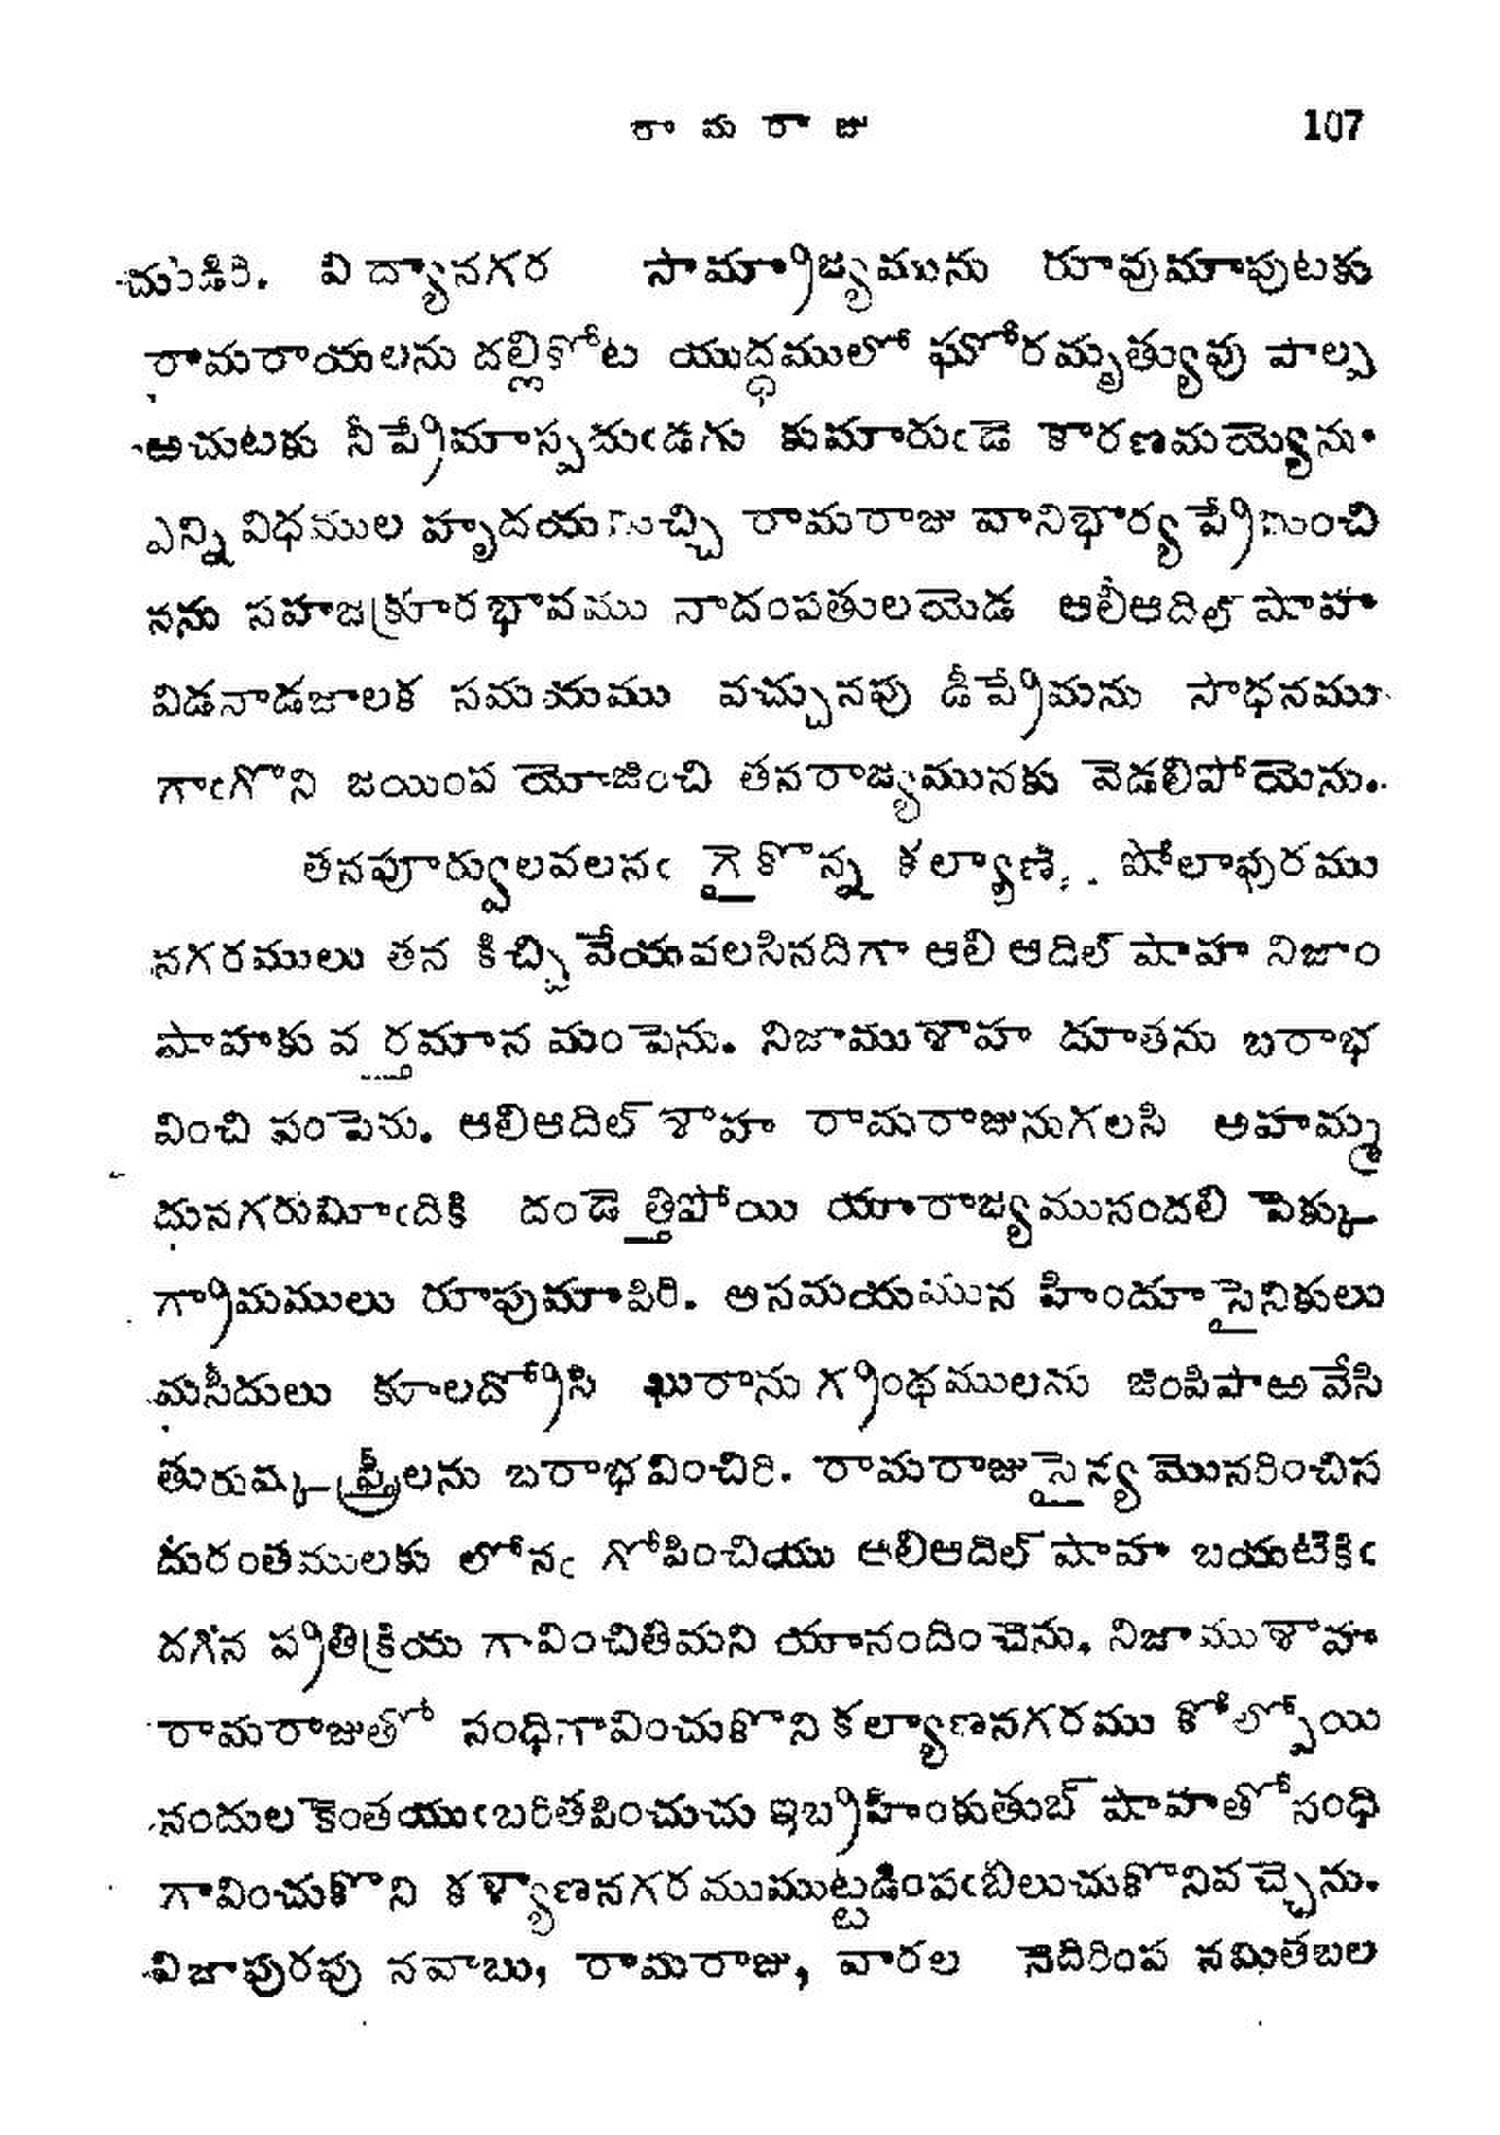చుండిరి. విద్యానగర సామ్రాజ్యమును రూపుమాపుటకు రామరాయలను దల్లికోట యుద్ధములో ఘోరమృత్యువు పాల్పఱచుటకు నీ ప్రేమాస్పదుడగు కుమారుడె కారణమయ్యెను. ఎన్నివిధముల హృదయమిచ్చి రామరాజు వానిభార్యప్రేమించినను సహజక్రూరభావము నాదంపతులయెడ ఆలీఆదిల్ షాహ విడనాడజాలక సమయము వచ్చినపు డీప్రేమను సాధనముగాగొని జయింప యోజించి తనరాజ్యమునకు వెడలిపోయెను.

తనపూర్వులవలన గైకొన్న కల్యాణి, షోలాపురము నగరములు తన కిచ్చివేయ వలసినదిగా ఆలిఆదిల్ షాహ నిజాంషాహకు వర్తమాన మంపెను. నిజాముశాహ దూతను బరాభవించి పంపెను. ఆలిఆదిల్ శాహ రామరాజును గలసి అహమ్మదునగరు మీదికి దండెత్తిపోయి యారాజ్యము నందలి పెక్కు గ్రామములు రూపుమాపిరి. ఆసమయమున హిందూ సైనికులు మసీదులు కూలద్రోసి ఖురాను గ్రంథములను జింపిపాఱవేసి తురుష్కస్త్రీలను బరాభవించిరి. రామరాజు సైన్యమొనరించిన దురంతములకు లోన గోపించియు ఆలిఆదిల్ షాహ బయటికి దగిన ప్రతిక్రియ గావించితిమని యానందించెను. నిజాముశాహ రామరాజుతో సంధిగావించుకొని కల్యాణనగరము కోల్పోయినందుల కెంతయు బరితపించుచు ఇబ్రహింకుతుబ్ షాహతో సంధి గావించుకొని కళ్యాణనగరము ముట్టడింప బిలుచు కొనివచ్చెను. విజాపురపు నవాబు, రామరాజు, వారల నెదిరింప నమితబల